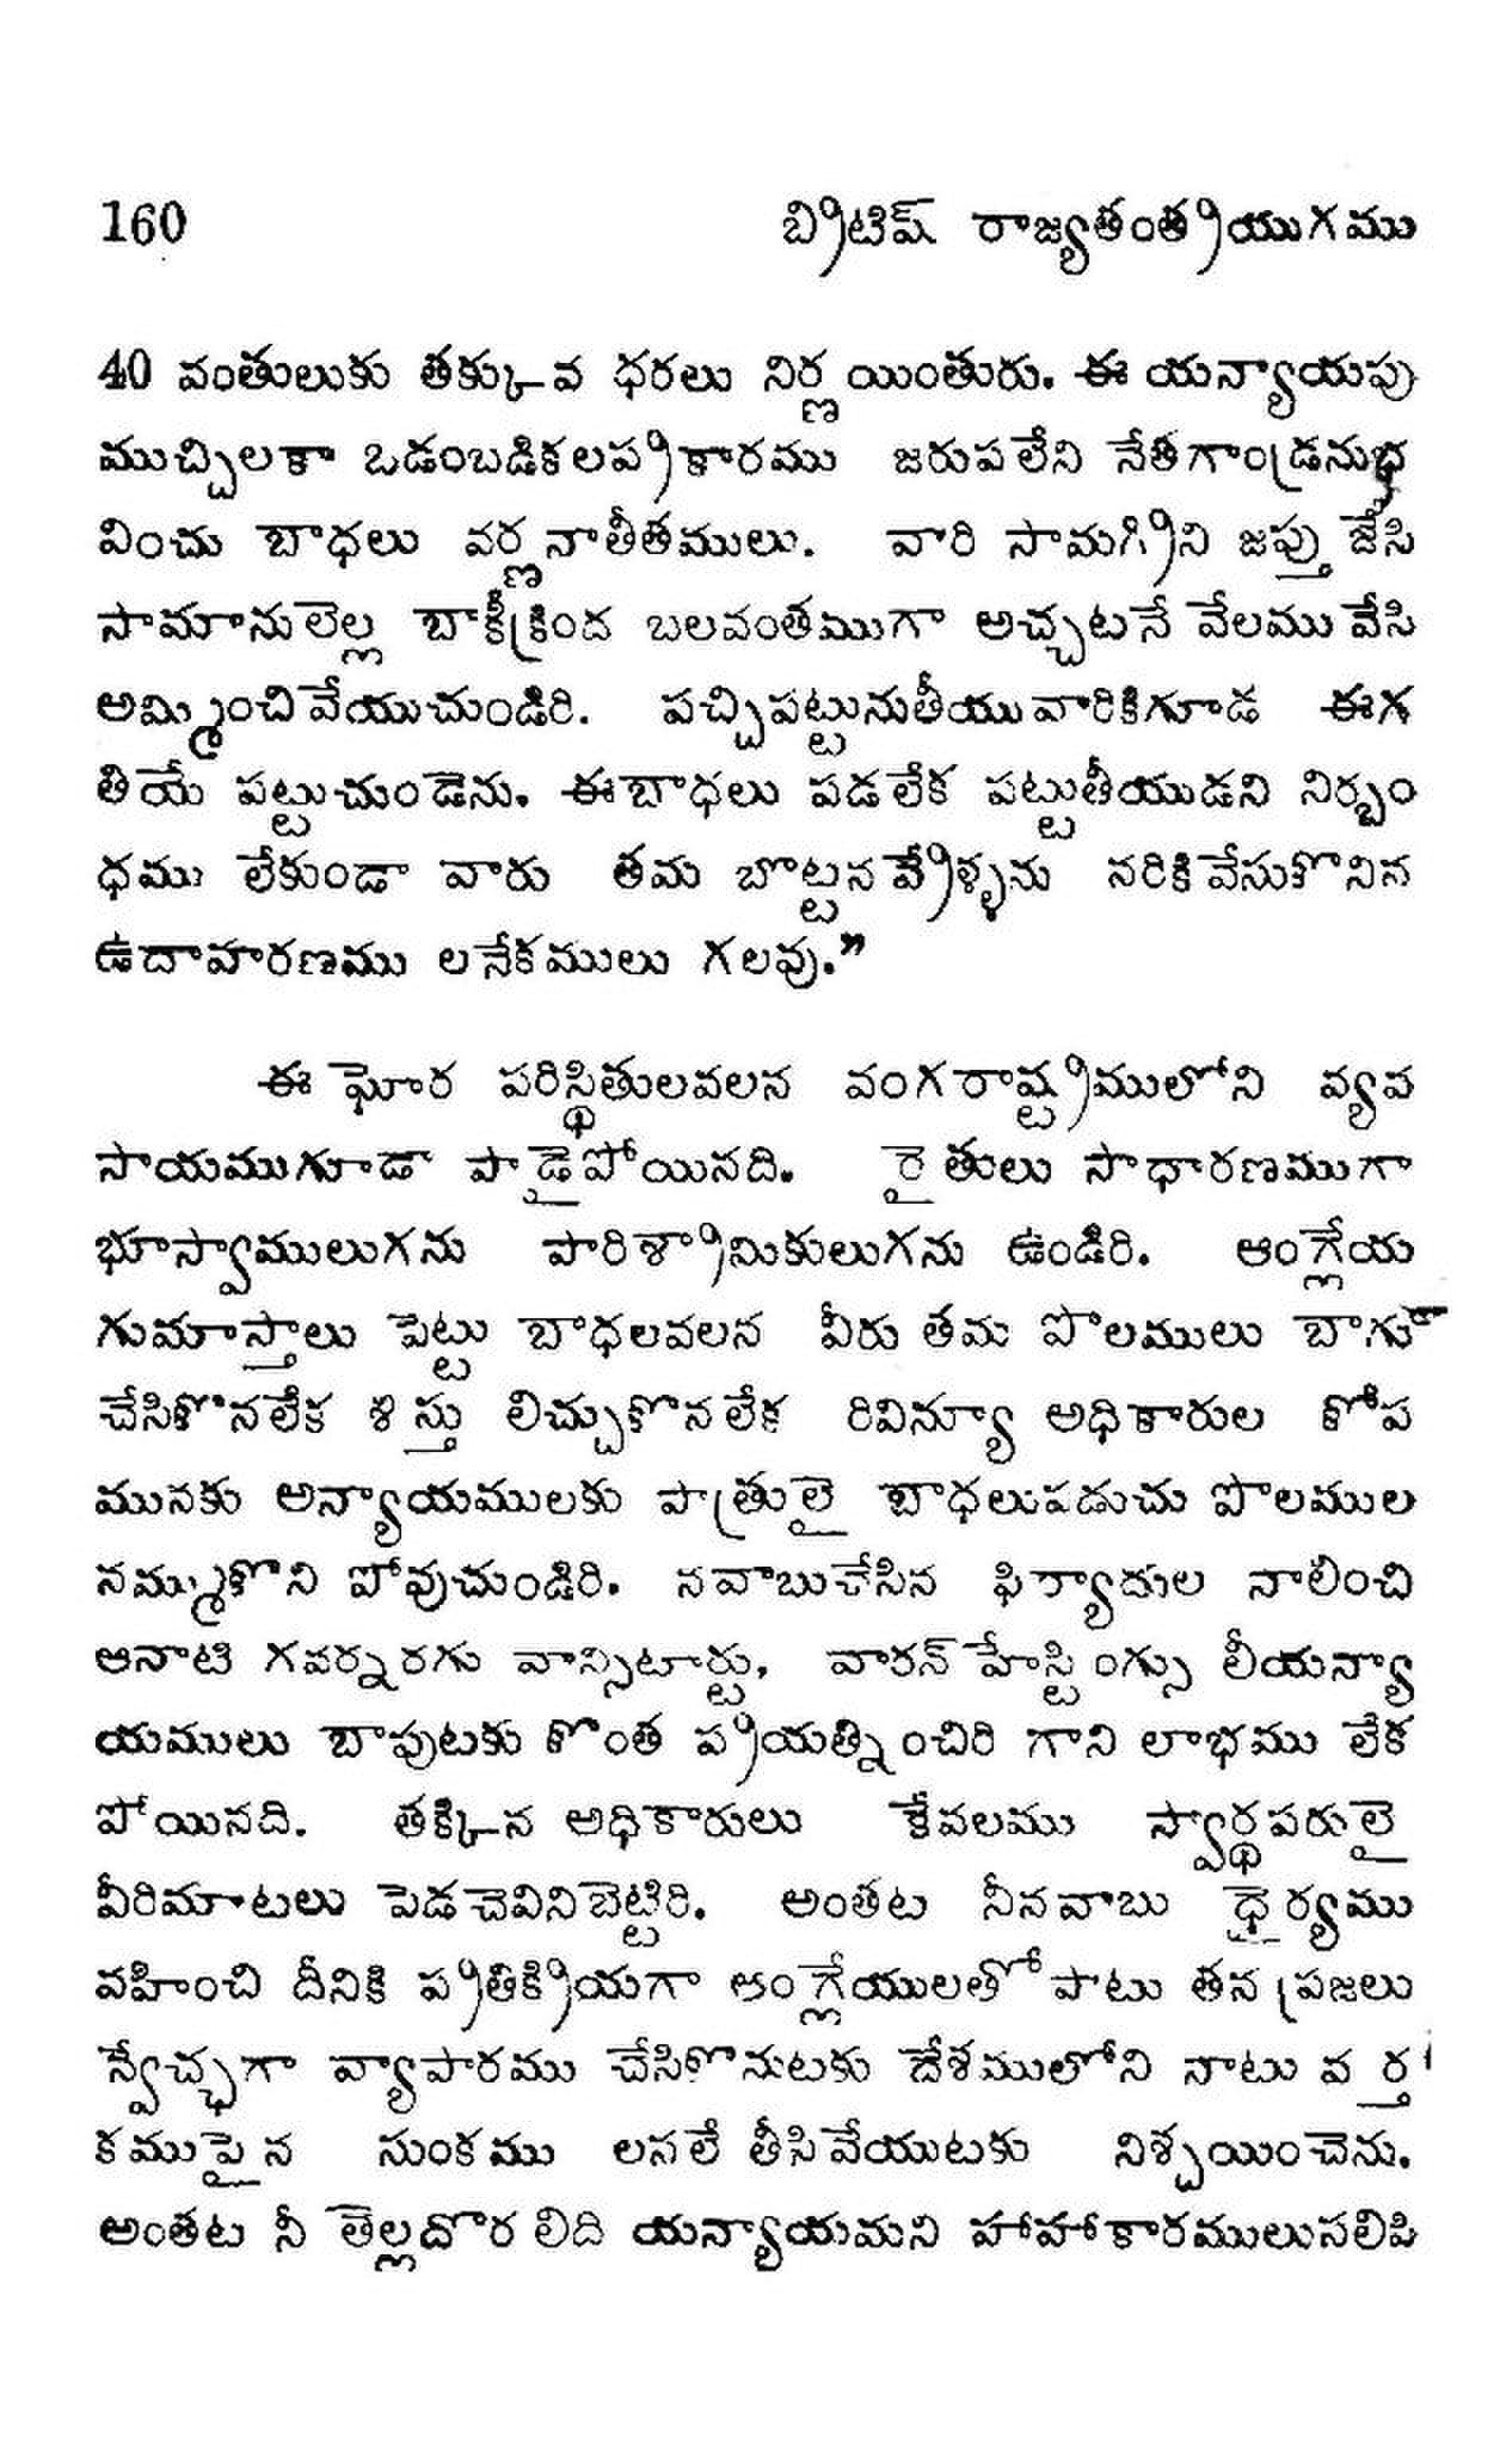40 వంతులుకు తక్కువ ధరలు నిర్ణ యింతురు. ఈ యన్యాయపు ముచ్చిలకా ఒడంబడికలప్రకారము జరుపలేని నేతగాండ్రనుభవించు బాధలు వర్ణనాతీతములు. వారి సామగ్రిని జప్తు జేసి సామానులెల్ల బాకీక్రింద బలవంతముగా అచ్చటనే వేలమువేసి అమ్మించివేయుచుండిరి. పచ్చిపట్టునుతీయువారికిగూడ ఈగతియే పట్టుచుండెను. ఈబాధలు పడలేక పట్టుతీయుడని నిర్బంధము లేకుండా వారు తమ బొట్టనవ్రేళ్ళను నరికివేసుకొనిన ఉదాహరణము లనేకములు గలవు." 

ఈ ఘోర పరిస్థితులవలన వంగరాష్ట్రములోని వ్యవసాయముగూడా పాడైపోయినది. రైతులు సాధారణముగా భూస్వాములుగను పారిశ్రామికులుగను ఉండిరి. ఆంగ్లేయ గుమాస్తాలు పెట్టు బాధలవలన వీరు తమ పొలములు బాగు చేసికొ'నలేక శిస్తు లిచ్చుకొనలేక రివిన్యూ అధికారుల కోపమునకు అన్యాయములకు పాత్రులై బాధలుపడుచు పొలముల నమ్ముకొని పోవుచుండిరి. నవాబుచేసిన ఫిర్యాదుల నాలించి ఆనాటి గవర్నరగు వాన్సిటార్టు, వారన్‌హేస్టింగ్సు లీయన్యాయములు బాపుటకు కొంత ప్రయత్నించిరి గాని లాభము లేక పోయినది. తక్కిన అధికారులు కేవలము స్వార్థపరులై వీరిమాటలు పెడచెవినిబెట్టిరి. అంతట నీనవాబు ధైర్యము వహించి దీనికి ప్రతిక్రియగా ఆంగ్లేయులతో పాటు తన ప్రజలు స్వేచ్చగా వ్యాపారము చేసికొనుటకు దేశములోని నాటు వర్తకము పైన సుంకము లసలే తీసివేయుటకు నిశ్చయించెను. అంతట నీ తెల్లదొర లిది యన్యాయమని హాహాకారములుసలిపి